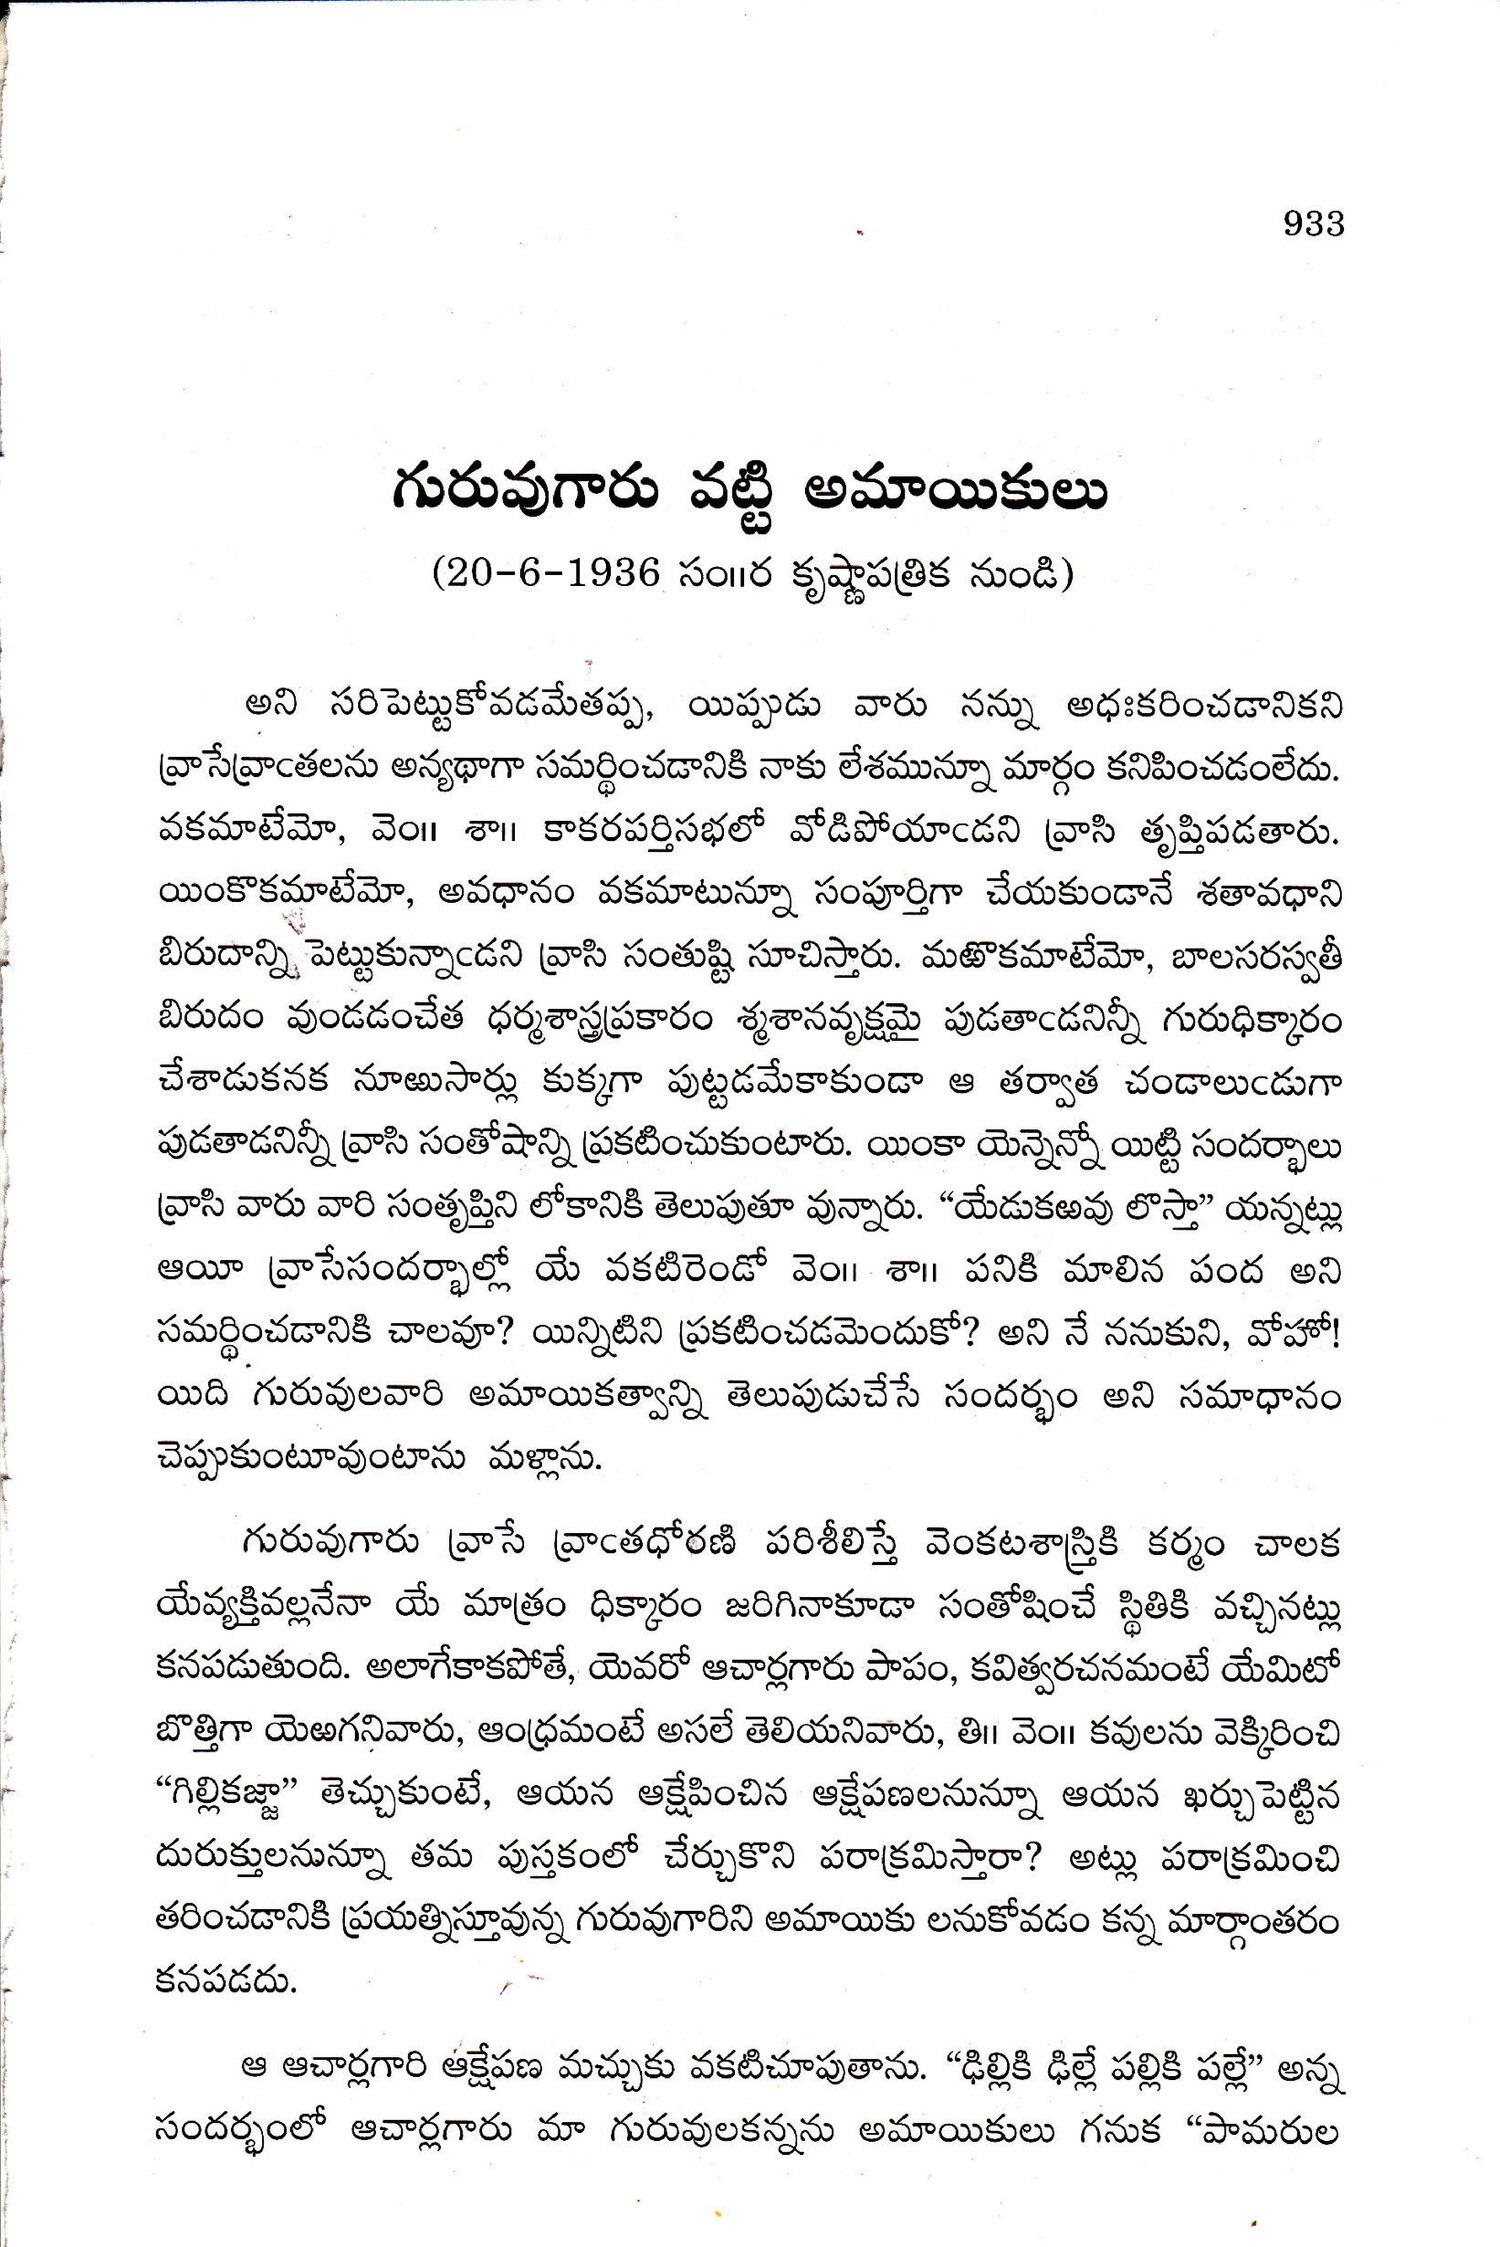గురువుగారు వట్టి అమాయికులు
(20-6-1936 సం||ర కృష్ణాపత్రిక నుండి)

అని సరిపెట్టుకోవడమేతప్ప, యిప్పుడు వారు నన్ను అధఃకరించడానికని వ్రాసేవ్రాఁతలను అన్యథాగా సమర్ధించడానికి నాకు లేశమున్నూ మార్గం కనిపించడంలేదు. వకమాటేమో, వెం|| శా|| కాకరపర్తిసభలో వోడిపోయాఁడని వ్రాసి తృప్తిపడతారు. యింకొకమాటేమో, అవధానం వకమాటున్నూ సంపూర్తిగా చేయకుండానే శతావధాని బిరుదాన్ని పెట్టుకున్నాఁడని వ్రాసి సంతుష్టి సూచిస్తారు. మరొకమాటేమో, బాలసరస్వతీ బిరుదం వుండడంచేత ధర్మశాస్త్రప్రకారం శ్మశానవృక్షమై పుడతాఁడనిన్నీ గురుధిక్కారం చేశాడుకనక నూఱుసార్లు కుక్కగా పుట్టడమేకాకుండా ఆ తర్వాత చండాలుఁడుగా పుడతాడనిన్నీ వ్రాసి సంతోషాన్ని ప్రకటించుకుంటారు. యింకా యెన్నెన్నో యిట్టి సందర్భాలు వ్రాసి వారు వారి సంతృప్తిని లోకానికి తెలుపుతూ వున్నారు. “యేడుకఱవు లొస్తా" యన్నట్లు ఆయీ వ్రాసేసందర్భాల్లో యే వకటిరెండో వెం|| శా|| పనికి మాలిన పంద అని సమర్థించడానికి చాలవూ? యిన్నిటిని ప్రకటించడమెందుకో? అని నే ననుకుని, వోహో! యిది గురువులవారి అమాయికత్వాన్ని తెలుపుడుచేసే సందర్భం అని సమాధానం చెప్పుకుంటూవుంటాను మళ్లాను.

గురువుగారు వ్రాసే వ్రాఁతథోరణి పరిశీలిస్తే వెంకటశాస్త్రికి కర్మం చాలక యేవ్యక్తివల్లనేనా యే మాత్రం ధిక్కారం జరిగినాకూడా సంతోషించే స్థితికి వచ్చినట్లు కనపడుతుంది. అలాగేకాకపోతే, యెవరో ఆచార్లగారు పాపం, కవిత్వరచనమంటే యేమిటో బొత్తిగా యెఱగనివారు, ఆంధ్రమంటే అసలే తెలియనివారు, తి|| వెం|| కవులను వెక్కిరించి “గిల్లికజా" తెచ్చుకుంటే, ఆయన ఆక్షేపించిన ఆక్షేపణలనున్నూ ఆయన ఖర్చుపెట్టిన దురుక్తులనున్నూ తమ పుస్తకంలో చేర్చుకొని పరాక్రమిస్తారా? అట్లు పరాక్రమించి తరించడానికి ప్రయత్నిస్తూవున్న గురువుగారిని అమాయికు లనుకోవడం కన్న మార్గాంతరం కనపడదు. 

ఆ ఆచార్లగారి ఆక్షేపణ మచ్చుకు వకటిచూపుతాను. “ఢిల్లికి ఢిల్లే పల్లికి పల్లే" అన్న సందర్భంలో ఆచార్లగారు మా గురువులకన్నను అమాయికులు గనుక “పామరుల